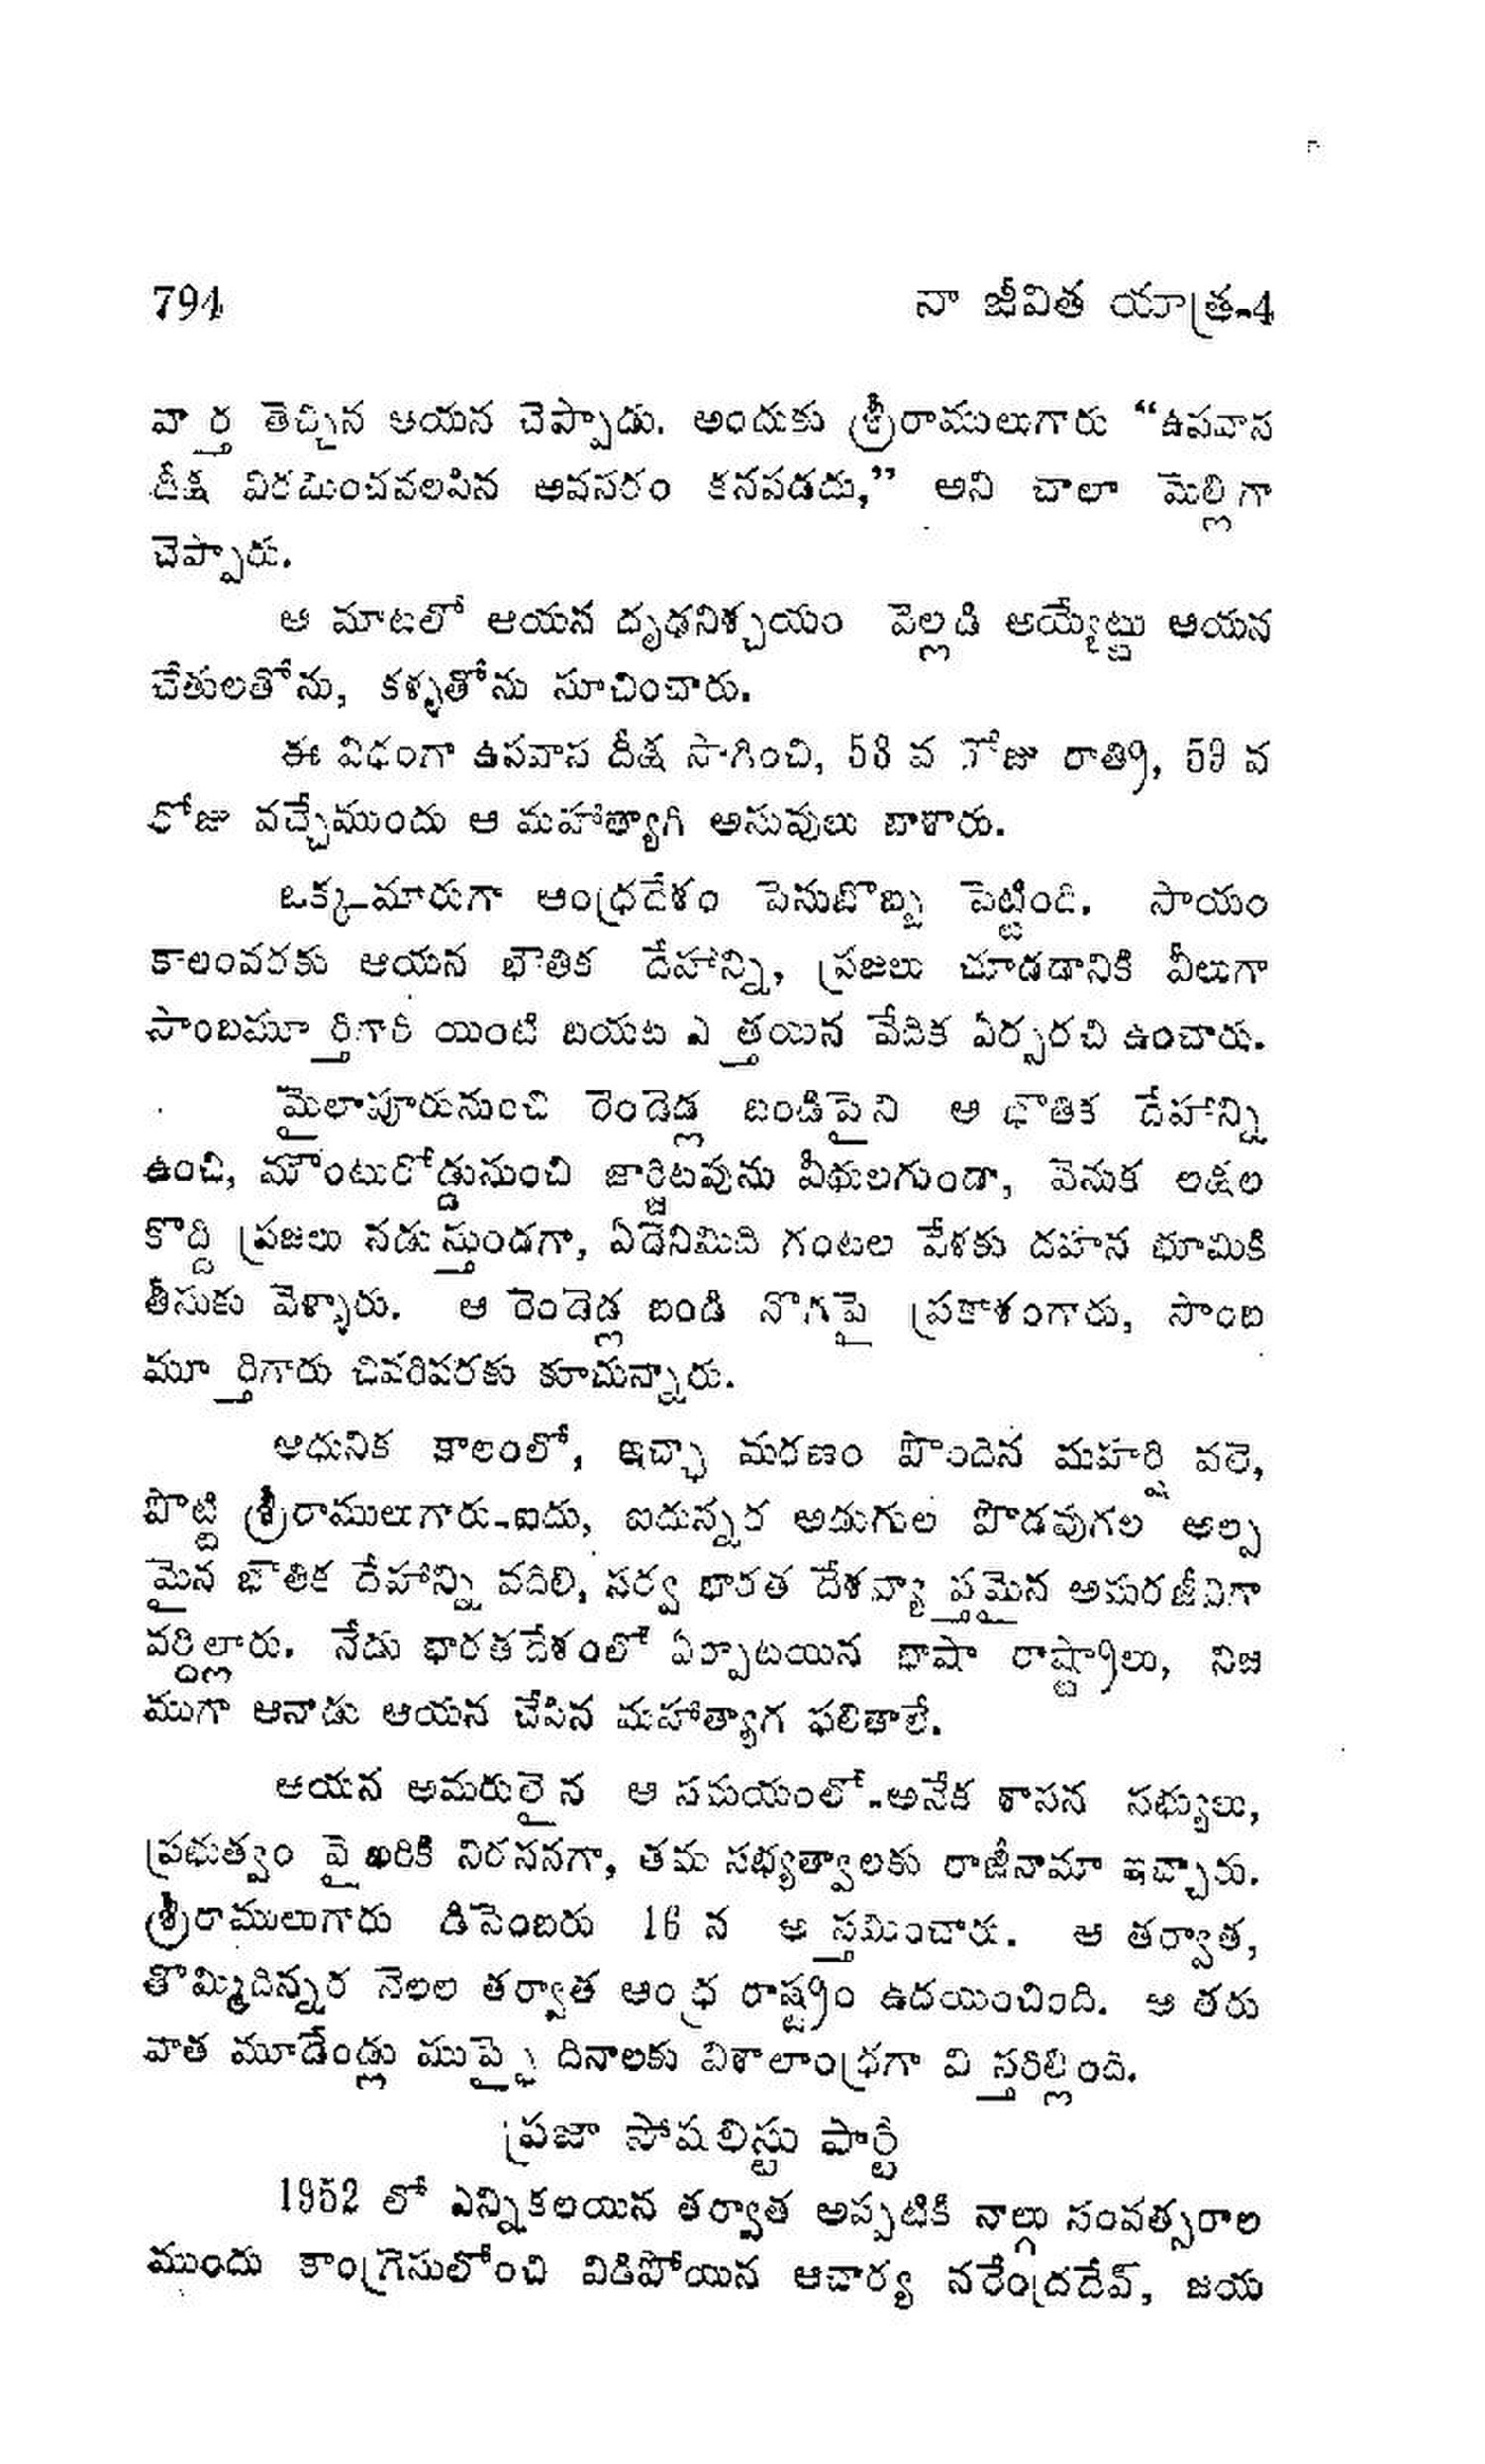వార్త తెచ్చిన ఆయన చెప్పాడు. అందుకు శ్రీరాములుగారు "ఉపవాస దీక్ష విరమించవలసిన అవసరం కనపడదు," అని చాలా మెల్లిగా చెప్పారు.

ఆ మాటలో ఆయన దృఢనిశ్చయం వెల్లడి అయ్యేట్టు ఆయన చేతులతోను, కళ్ళతోను సూచించారు.

ఈ విధంగా ఉపవాస దీక్ష సాగించి, 58 వ రోజు రాత్రి, 59 వ రోజు వచ్చేముందు ఆ మహాత్యాగి అసువులు బాశారు.

ఒక్కమారుగా ఆంధ్రదేశం పెనుబొబ్బ పెట్టింది. సాయంకాలంవరకు ఆయన భౌతిక దేహాన్ని, ప్రజలు చూడడానికి వీలుగా సాంబమూర్తిగారి యింటి బయట ఎత్తయిన వేదిక ఏర్పరచి ఉంచారు.

మైలాపూరునుంచి రెండెడ్ల బండిపైని అ భౌతిక దేహాన్ని ఉంచి, మౌంటురోడ్డునుంచి జార్జిటవును వీథులగుండా, వెనుక లక్షల కొద్ది ప్రజలు నడుస్తుండగా, ఏడెనిమిది గంటల వేళకు దహన భూమికి తీసుకు వెళ్ళారు. ఆ రెండెడ్ల బండి నొగపై ప్రకాశంగారు, సాంబమూర్తిగారు చివరివరకు కూచున్నారు.

ఆధునిక కాలంలో, ఇచ్ఛా మరణం పొందిన మహర్షి వలె, పొట్టి శ్రీరాములుగారు - ఐదు, ఐదున్నర అడుగుల పొడవుగల అల్పమైన భౌతిక దేహాన్ని వదిలి, సర్వ భారత దేశవ్యాప్తమైన అమరజీవిగా వర్దిల్లారు. నేడు భారతదేశంలో ఏర్పాటయిన భాషా రాష్ట్రాలు, నిజముగా ఆనాడు ఆయన చేసిన మహాత్యాగ ఫలితాలే.

ఆయన అమరులైన అ సమయంలో - అనేక శాసన సభ్యులు, ప్రభుత్వం వైఖరికి నిరసనగా, తమ సభ్యత్వాలకు రాజీనామా ఇచ్చారు. శ్రీరాములుగారు డిసెంబరు 16 న అస్తమించారు. ఆ తర్వాత, తొమ్మిదిన్నర నెలల తర్వాత ఆంధ్ర రాష్ట్రం ఉదయించింది. అ తరువాత మూడేండ్లు ముప్పై దినాలకు విశాలాంధ్రగా విస్తరిల్లింది.

1952 లో ఎన్నికలయిన తర్వాత అప్పటికి నాల్గు సంవత్సరాల ముందు కాంగ్రెసులోంచి విడిపోయిన ఆచార్య నరేంద్రదేవ్, జయ